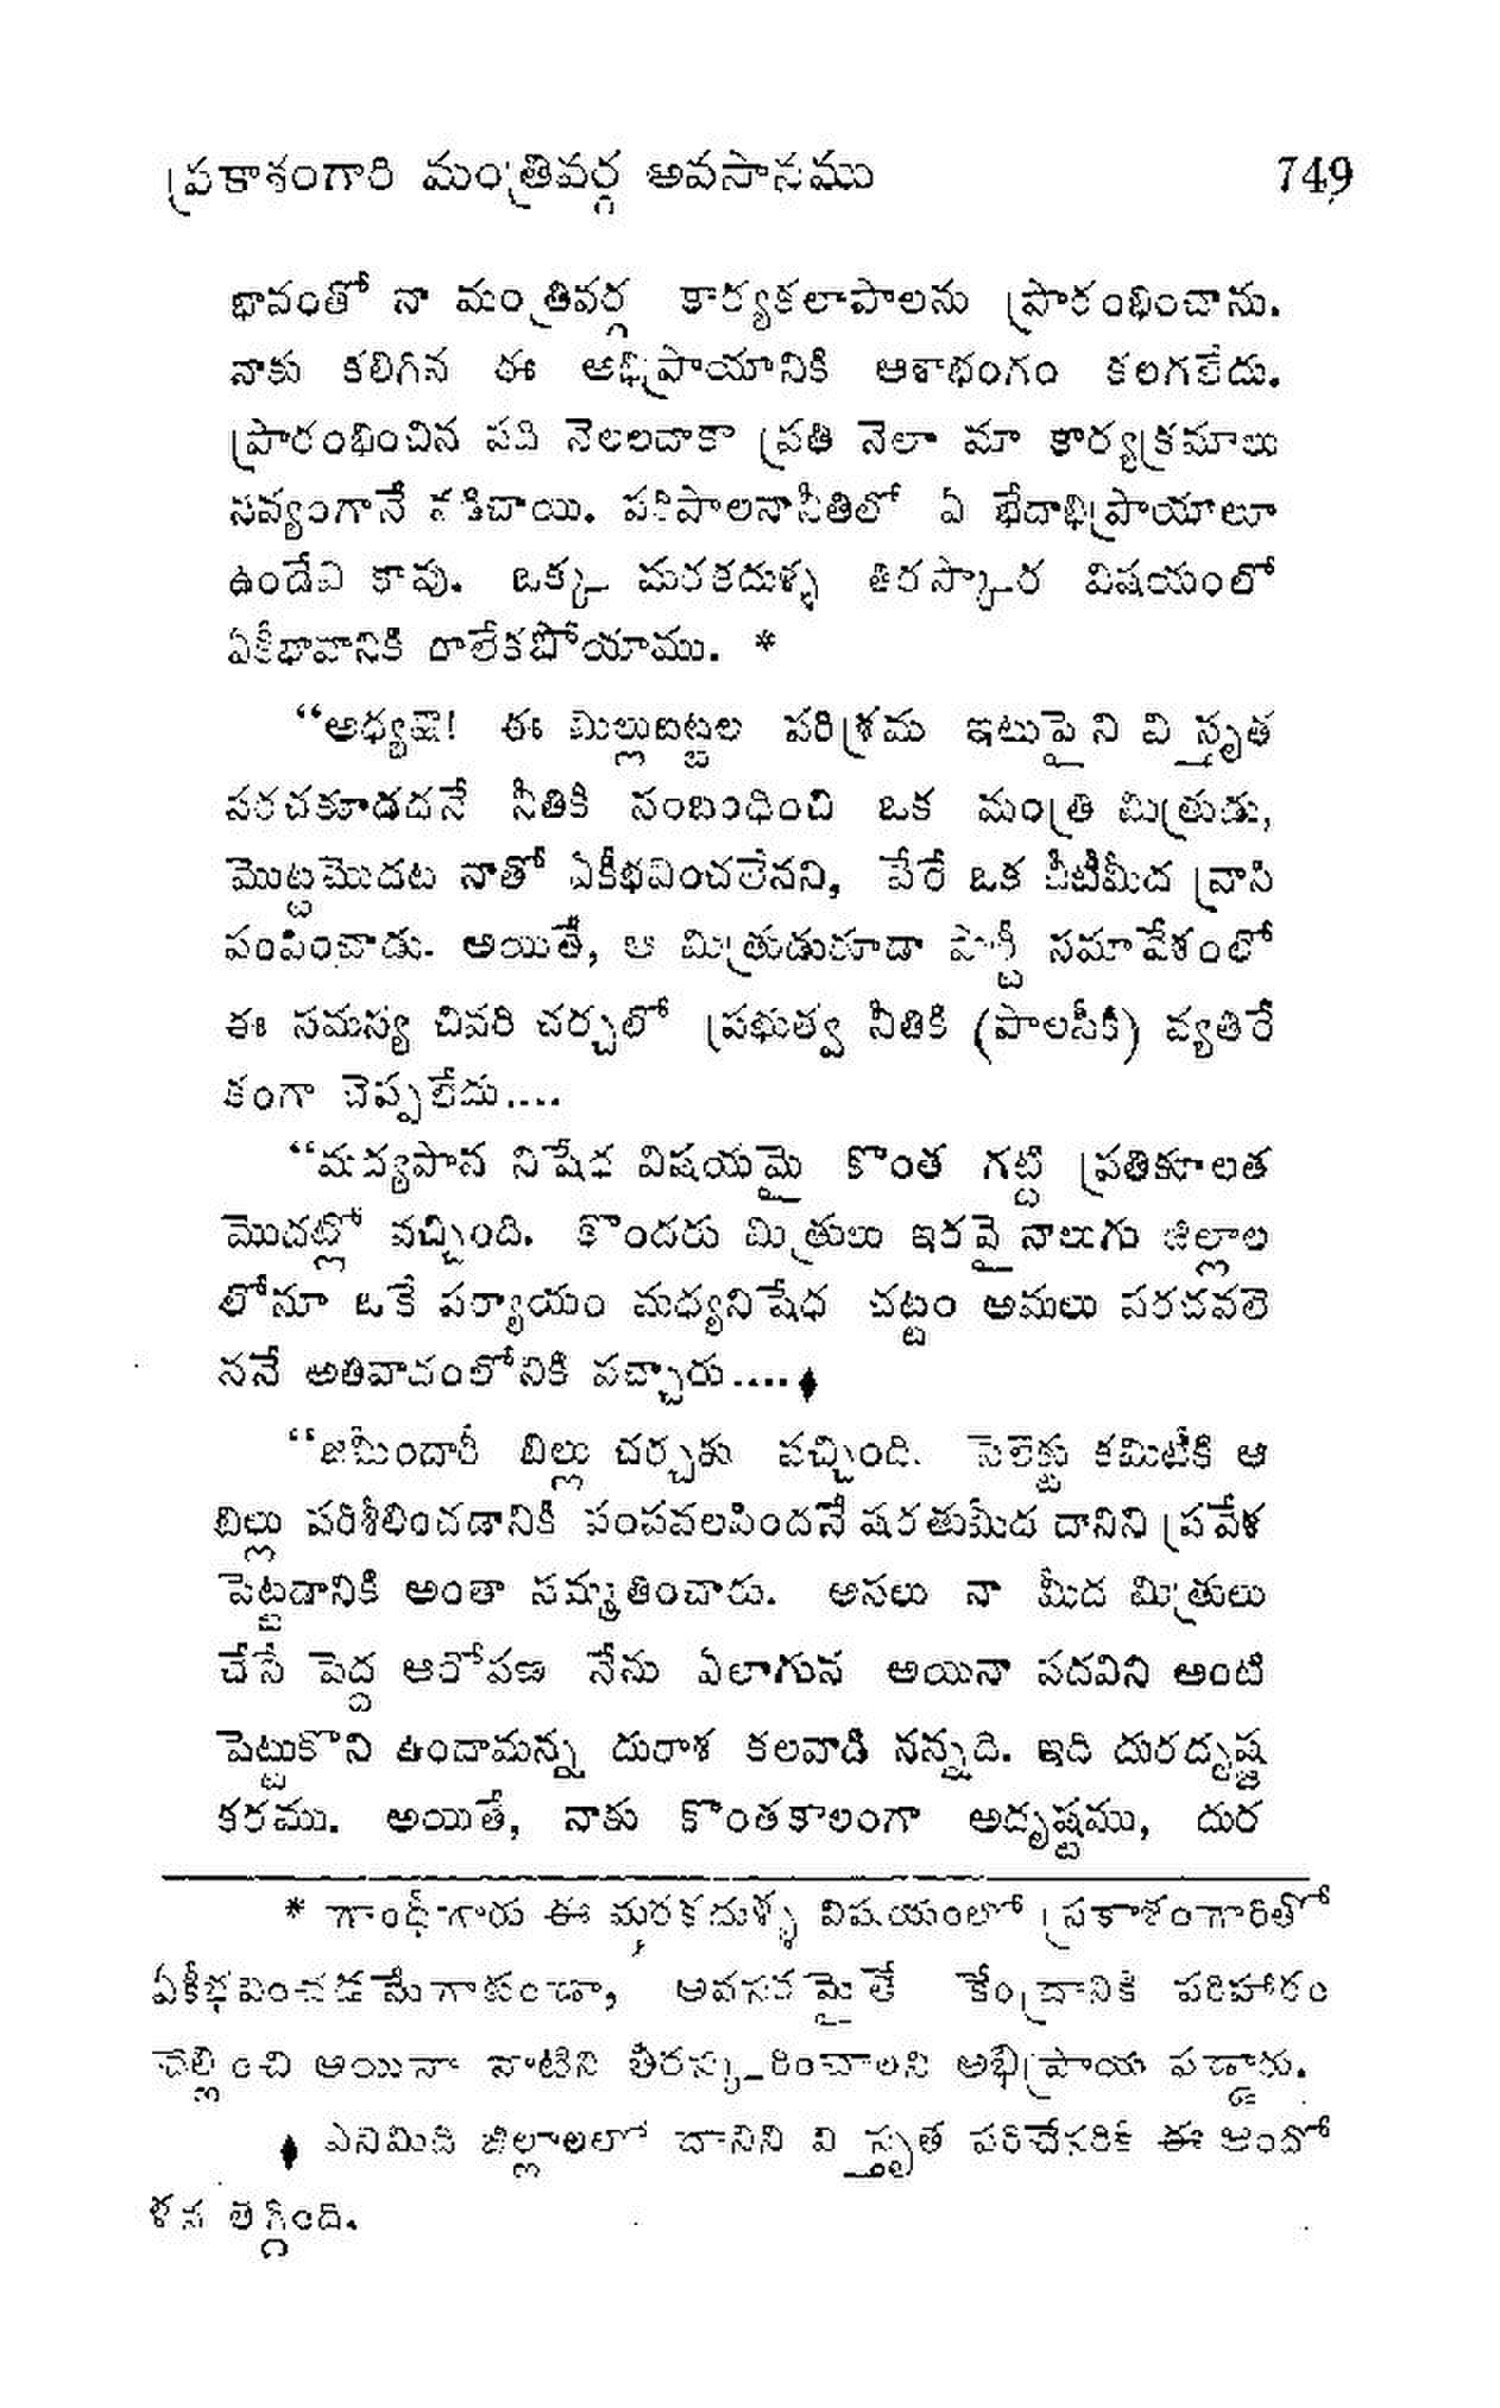భావంతో నా మంత్రివర్గ కార్యకలాపాలను ప్రారంభించాను. నాకు కలిగిన ఈ అభిప్రాయానికి ఆశాభంగం కలగలేదు. ప్రారంభించిన పది నెలలదాకా ప్రతి నెలా మా కార్యక్రమాలు సవ్యంగానే నడిచాయి. పరిపాలనానీతిలో ఏ భేదాభిప్రాయాలూ ఉండేవి కావు. ఒక్క మరకదుళ్ళ తిరస్కార విషయంలో ఏకీభావానికి రాలేకపోయాము. 

"అధ్యక్షా! ఈ మిల్లుబట్టల పరిశ్రమ ఇటుపైని విస్తృత పరచకూడదనే నీతికి సంబంధించి ఒక మంత్రి మిత్రుడు, మొట్టమొదట నాతో ఏకీభవించలేనని, వేరే ఒక చీటీమీద వ్రాసి పంపించాడు. అయితే, ఆ మిత్రుడుకూడా పార్టీ సమావేశంలో ఈ సమస్య చివరి చర్చలో ప్రభుత్వ నీతికి (పాలసీకి) వ్యతిరేకంగా చెప్పలేదు...

"మద్యపాన నిషేద విషయమై కొంత గట్టి ప్రతికూలత మొదట్లో వచ్చింది. కొందరు మిత్రులు ఇరవై నాలుగు జిల్లాలలోనూ ఒకే పర్యాయం మద్యనిషేధ చట్టం అమలు పరచవలె ననే అతివాదంలోకి వచ్చారు.. 

"జమీందారీ బిల్లు చర్చకు వచ్చింది. సెలెక్టు కమిటీకి ఆ బిల్లు పరిశీలించడానికి పంపవలసిందనే షరతుమీద దానిని ప్రవేశపెట్టడానికి అంతా సమ్మతించారు. అసలు నా మీద మిత్రులు చేసే పెద్ద ఆరోపణ నేను ఏలాగున అయినా పదవిని అంటిపెట్టుకొని ఉందామన్న దురాశ కలవాడి నన్నది. ఇది దురదృష్టకరము. అయితే, నాకు కొంతకాలంగా అదృష్టము, దుర